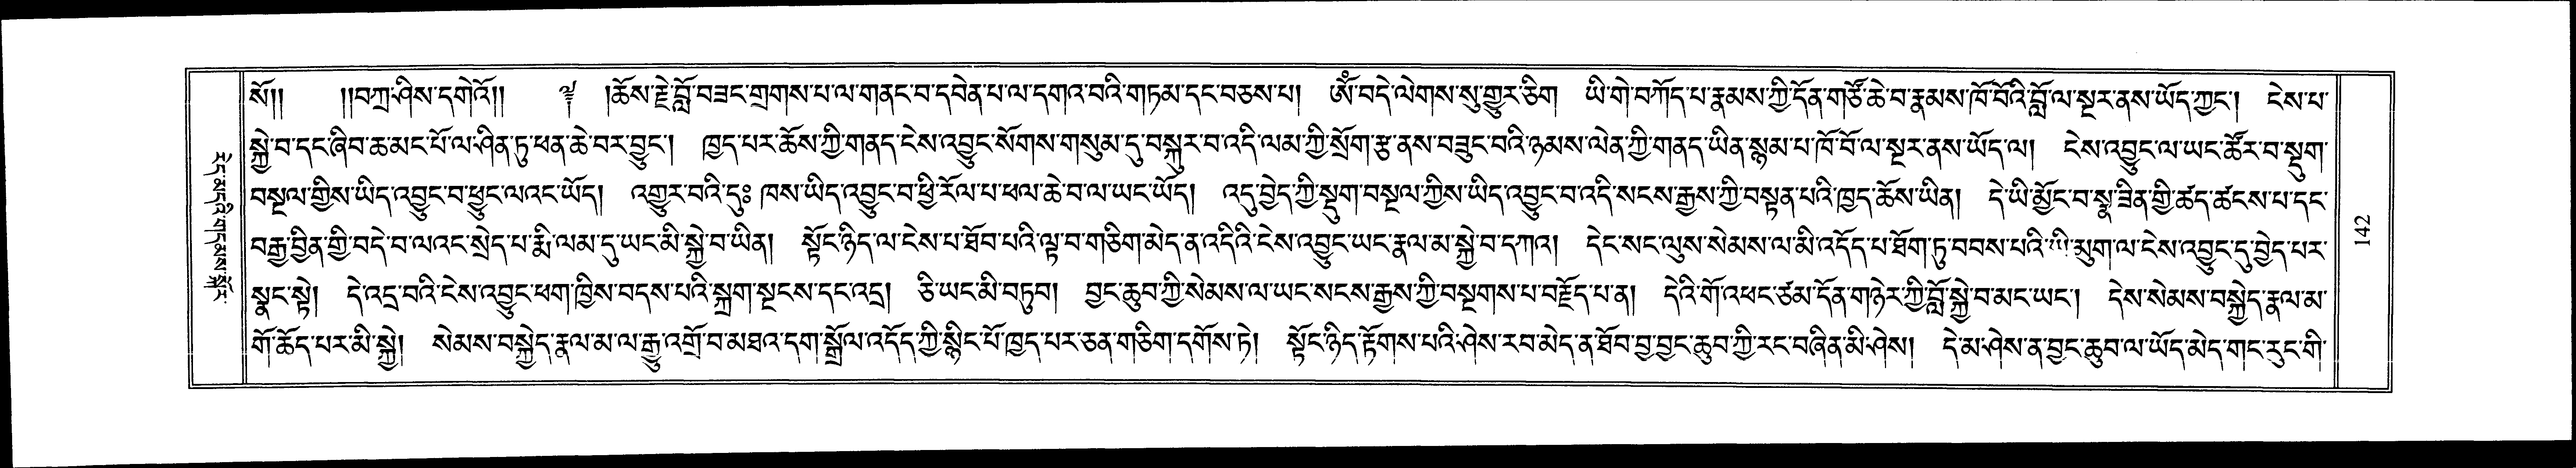སོ།། །།བཀྲ་ཤིས་དགེའོ།། ༈ །ཆོས་རྗེ་བློ་བཟང་གྲགས་པ་ལ་གནང་བ་དབེན་པ་ལ་དགའ་བའི་གཏམ་དང་བཅས་པ། །ཨོཾ་བདེ་ལེགས་སུ་གྱུར་ཅིག །ཡི་གེ་བཀོད་པ་རྣམས་ཀྱི་དོན་གཙོ་ཆེ་བ་རྣམས་ཁོ་བོའི་བློ་ལ་སྔར་ནས་ཡོད་ཀྱང་། །ངེས་པ་
སྐྱེ་བ་དང་ཞིབ་ཆ་མང་པོ་ལ་ཤིན་ཏུ་ཕན་ཆེ་བར་བྱུང་། །ཁྱད་པར་ཆོས་ཀྱི་གནད་ངེས་འབྱུང་སོགས་གསུམ་དུ་བསྐུར་བ་འདི་ལམ་ཀྱི་སྲོག་རྩ་ནས་བཟུང་བའི་ཉམས་ལེན་ཀྱི་གནད་ཡིན་སྙམ་པ་ཁོ་བོ་ལ་སྔར་ནས་ཡོད་ལ། །ངེས་འབྱུང་ལ་ཡང་ཚོར་བ་སྡུག་
བསྔལ་གྱིས་ཡིད་འབྱུང་བ་ཕྱུང་ལའང་ཡོད། །འགྱུར་བའི་དུཿ ཁས་ཡིད་འབྱུང་བ་ཕྱི་རོལ་པ་ཕལ་ཆེ་བ་ལ་ཡང་ཡོད། །འདུ་བྱེད་ཀྱི་སྡུག་བསྔལ་ཀྱིས་ཡིད་འབྱུང་བ་འདི་སངས་རྒྱས་ཀྱི་བསྟན་པའི་ཁྱད་ཆོས་ཡིན། །དེ་ཡི་མྱོང་བ་སྣ་ཟིན་གྱི་ཚད་ཚངས་པ་དང་
བརྒྱ་བྱིན་གྱི་བདེ་བ་ལའང་སྲེད་པ་རྨི་ལམ་དུ་ཡང་མི་སྐྱེ་བ་ཡིན། །སྟོང་ཉིད་ལ་ངེས་པ་ཐོབ་པའི་ལྟ་བ་གཅིག་མེད་ན་འདིའི་ངེས་འབྱུང་ཡང་རྣལ་མ་སྐྱེ་བ་དཀའ། །དེང་སང་ལུས་སེམས་ལ་མི་འདོད་པ་ཐོག་ཏུ་བབས་པའི་ཡི་མུག་ལ་ངེས་འབྱུང་དུ་བྱེད་པར་
སྣང་སྟེ། །དེ་འདྲ་བའི་ངེས་འབྱུང་ཕག་ཁྱིས་བདས་པའི་སྐྲག་སྔངས་དང་འདྲ། །ཅི་ཡང་མི་བཏུབ། །བྱང་ཆུབ་ཀྱི་སེམས་ལ་ཡང་སངས་རྒྱས་ཀྱི་བསྔགས་པ་བརྗོད་པ་ན། །དེའི་གོ་འཕང་ཙམ་དོན་གཉེར་ཀྱི་བློ་སྐྱེ་བ་མང་ཡང་། །དེས་སེམས་བསྐྱེད་རྣལ་མ་
གོ་ཆོད་པར་མི་སྐྱེ། །སེམས་བསྐྱེད་རྣལ་མ་ལ་རྒྱུ་འགྲོ་བ་མཐའ་དག་སྒྲོལ་འདོད་ཀྱི་སྙིང་པོ་ཁྱད་པར་ཅན་གཅིག་དགོས་ཏེ། སྟོང་ཉིད་རྟོགས་པའི་ཤེས་རབ་མེད་ན་ཐོབ་བྱ་བྱང་ཆུབ་ཀྱི་རང་བཞིན་མི་ཤེས། དེ་མ་ཤེས་ན་བྱང་ཆུབ་ལ་ཡོད་མེད་གང་རུང་གི་